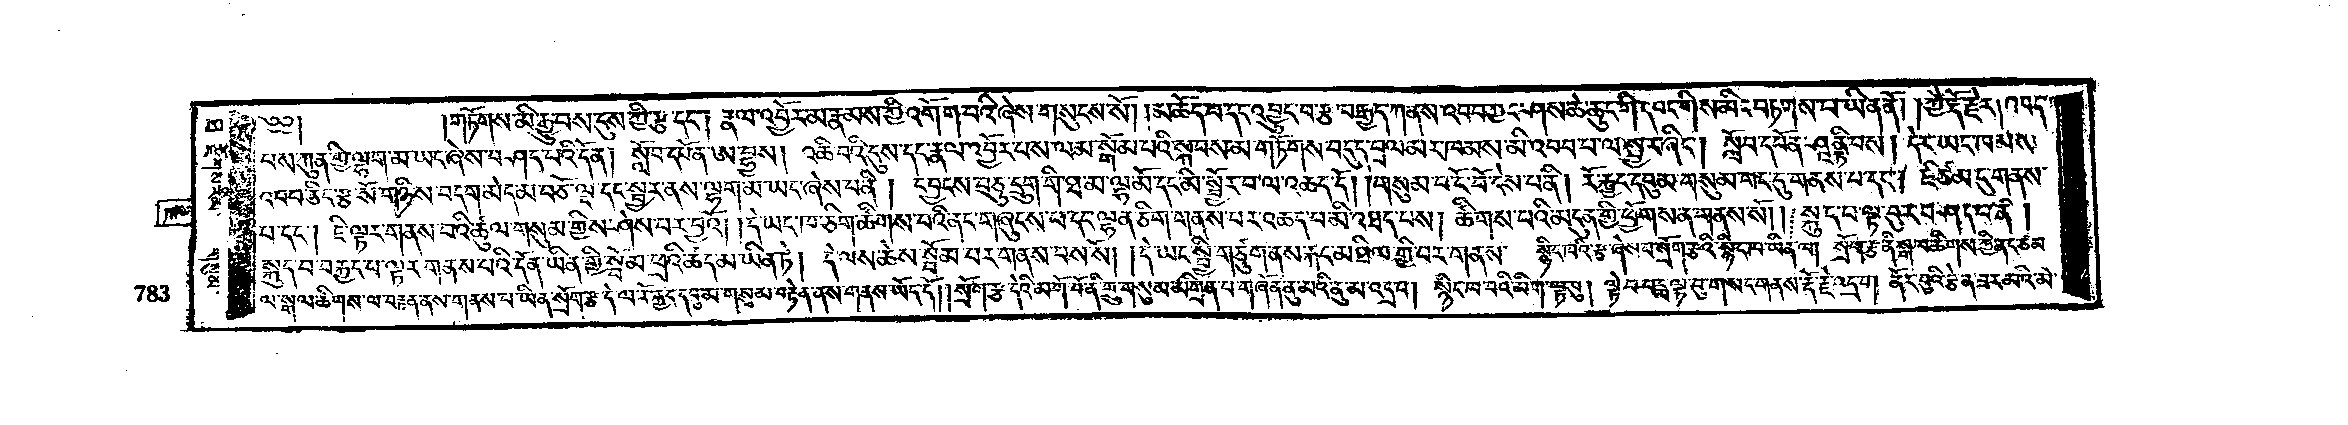༄༅། །གཏོགས་མི་རྒྱུ་བས་དུས་ཀྱི་རྩ་དང་། རྣལ་འབྱོར་མ་རྣམས་ཀྱི་འགོག་པའི་ཞེས་གསུངས་སོ། །མཆོད་པ་དང་འབྱུང་བ་རྩ་བརྒྱད་ཀ་ནས་འབབ་ཀྱང་ཤས་ཆེ་ཆུང་གི་དབང་གིས་མིང་བཏགས་པ་ཡིན་ནོ། །ཀྱཻ་རྡོ་རྗེར། འབད་
པས་ཀུན་གྱི་ལྷག་མ་ཡང་ཞེས་བཤད་པའི་དོན། སློབ་དཔོན་ཨ་བྷྱས། འཆི་བའི་དུས་དང་རྣལ་འབྱོར་པས་ལམ་སྒོམ་པའི་སྐབས་མ་གཏོགས་བདུད་བྲལ་མར་ཁམས་མི་འབབ་པ་ལ་སྦྱར་ཞིང་། སློབ་དཔོན་ཤཱནྟི་པས། དེར་ཡང་ཁམས་
འབབ་ཅིང་རྩ་སོ་གཉིས་བདག་མེད་མ་བཅོ་ལྔ་དང་སྦྱར་ནས་ལྷག་མ་ཡང་ཞེས་པ་ནི། དབྱངས་བཅུ་དྲུག་གི་ཐ་མ་ལྷ་མོ་དང་མི་སྦྱོར་བ་ལ་འཆད་དོ། །གསུམ་པ་ངོ་བོ་ངེས་པ་ནི། རོ་རྐྱང་དབུ་མ་གསུམ་གང་དུ་གནས་པ་དང་། ཇི་ཙམ་དུ་གནས་
པ་དང་། ཇི་ལྟར་གནས་པའི་ཚུལ་གསུམ་གྱིས་ཤེས་པར་བྱའོ། །དེ་ཡང་ཁ་ཅིག་ཚིགས་པའི་ནང་གཞུངས་པ་དང་ལྷན་ཅིག་གནས་པར་འཆད་པ་མི་འཐད་པས། ཚིགས་པའི་མདུན་གྱི་ཕྱོགས་ན་གནས་སོ། སྐུད་པ་ལྟ་བུར་བཤད་པ་ནི།
སྐུད་པ་བརྐྱང་པ་ལྟར་གནས་པའི་དོན་ཡིན་གྱི་སྦོམ་ཕྲའི་ཚད་མ་ཡིན་ཏེ། དེ་ལས་ཆེས་སྦོམ་པར་གནས་པས་སོ། །དེ་ཡང་སྤྱི་གཙུག་ནས་རྐང་མཐིལ་གྱི་བར་གནས་སྙིང་ཁའི་རྩ་ཞེས་པ་སྲོག་རྩའི་སྙིང་ཁ་ཡིན་ལ། སྲོག་རྩ་ནི་སྒལ་ཚིགས་ཀྱི་ནང་ཙམ་
ལ་སྒལ་ཚིགས་ལ་བརྟན་ནས་གནས་པ་ཡིན་སྲོག་རྩ་དེ་ལ་རོ་རྐྱང་དབུ་མ་གསུམ་བརྟེན་ནས་གནས་ཡོད་དོ། །སྲོག་རྩ་དེའི་མགོ་བོ་ནི་གྲུ་གསུམ་མགྲིན་པ་གཞོན་ནུ་མའི་ནུ་མ་འདྲ་བ། སྙིང་ཁ་བའི་མིག་ལྟ་བུ། ལྟེ་བ་པདམ་ལྟ་བུ་གསང་གནས་རྡོ་རྗེ་འདྲ་བ། ནོར་བུའི་རྩེ་ན་ཟར་མའི་མེ་